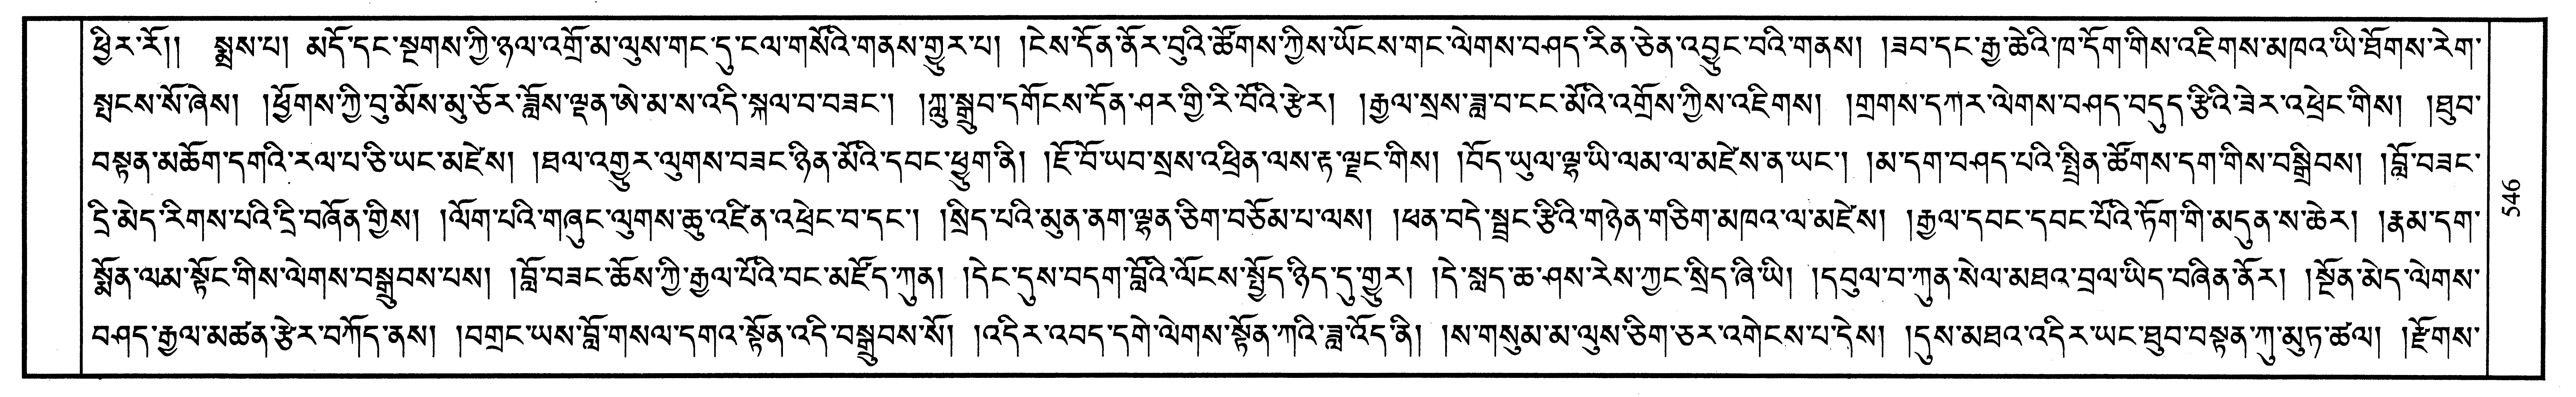ཕྱིར་རོ།། སྨྲས་པ། མདོ་དང་སྔགས་ཀྱི་ཉལ་འགྲོ་མ་ལུས་གང་དུ་ངལ་གསོའི་གནས་གྱུར་པ། །ངེས་དོན་ནོར་བུའི་ཚོགས་ཀྱིས་ཡོངས་གང་ལེགས་བཤད་རིན་ཅེན་འབྱུང་བའི་གནས། །ཟབ་དང་རྒྱ་ཆེའི་ཁ་དོག་གིས་འཇིགས་མཁའ་ཡི་ཐོགས་རེག་
སྤངས་སོ་ཞེས། །ཕྱོགས་ཀྱི་བུ་མོས་མུ་ཅོར་ཟློས་ལྡན་ཨེ་མ་ས་འདི་སྐལ་བ་བཟང་། །ཀླུ་སྒྲུབ་དགོངས་དོན་ཤར་གྱི་རི་བོའི་རྩེར། །རྒྱལ་སྲས་ཟླ་བ་ངང་མོའི་འགྲོས་ཀྱིས་འཇིགས། །གྲགས་དཀར་ལེགས་བཤད་བདུད་རྩིའི་ཟེར་འཕྲེང་གིས། །ཐུབ་
བསྟན་མཆོག་དགའི་རལ་པ་ཅི་ཡང་མཛེས། །ཐལ་འགྱུར་ལུགས་བཟང་ཉིན་མོའི་དབང་ཕྱུག་ནི། །ཇོ་བོ་ཡབ་སྲས་འཕྲིན་ལས་རྟ་ལྗང་གིས། །བོད་ཡུལ་ལྷ་ཡི་ལམ་ལ་མཛེས་ན་ཡང་། །མ་དག་བཤད་པའི་སྤྲིན་ཚོགས་དག་གིས་བསྒྲིབས། །བློ་བཟང་
དྲི་མེད་རིགས་པའི་དྲི་བཞོན་གྱིས། །ལོག་པའི་གཞུང་ལུགས་ཆུ་འཛིན་འཕྲེང་བ་དང་། །སྲིད་པའི་མུན་ནག་ལྷན་ཅིག་བཅོམ་པ་ལས། །ཕན་བདེ་སྦྲང་རྩིའི་གཉེན་གཅིག་མཁའ་ལ་མཛེས། །རྒྱལ་དབང་དབང་པོའི་ཏོག་གི་མདུན་ས་ཆེར། །རྣམ་དག་
སྨོན་ལམ་སྟོང་གིས་ལེགས་བསྒྲུབས་པས། །བློ་བཟང་ཆོས་ཀྱི་རྒྱལ་པོའི་བང་མཛོད་ཀུན། །དེང་དུས་བདག་བློའི་ལོངས་སྤྱོད་ཉིད་དུ་གྱུར། །དེ་སླད་ཆ་ཤས་རེས་ཀྱང་སྲིད་ཞི་ཡི། །དབུལ་བ་ཀུན་སེལ་མཐའ་བྲལ་ཡིད་བཞིན་ནོར། །སྔོན་མེད་ལེགས་
བཤད་རྒྱལ་མཚན་རྩེར་བཀོད་ནས། །བགྲང་ཡས་བློ་གསལ་དགའ་སྟོན་འདི་བསྒྲུབས་སོ། །འདིར་འབད་དགེ་ལེགས་སྟོན་ཀའི་ཟླ་འོད་ནི། །ས་གསུམ་མ་ལུས་ཅིག་ཅར་འགེངས་པ་དེས། །དུས་མཐའ་འདིར་ཡང་ཐུབ་བསྟན་ཀུ་མུཏ་ཚལ། །རྫོགས་